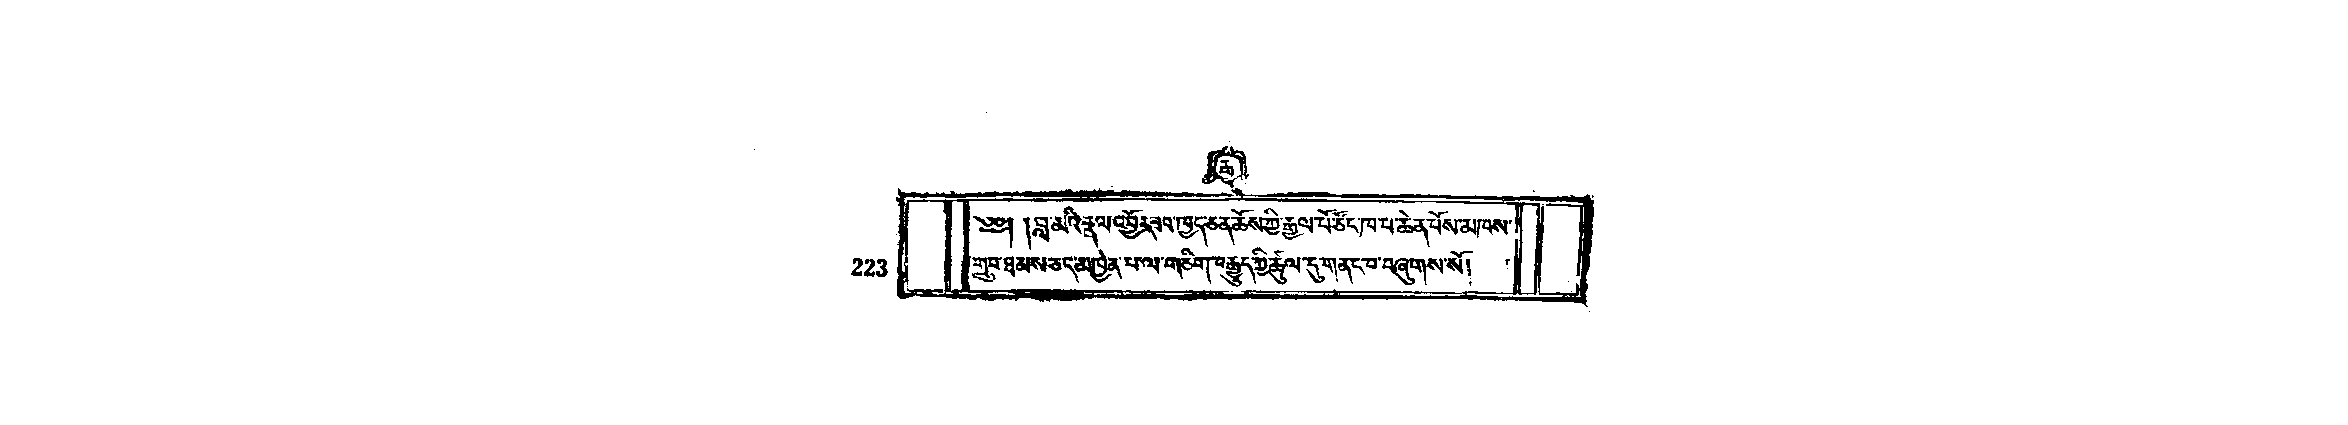༄༅། །བླ་མའི་རྣལ་འབྱོར་ཟབ་ཁྱད་ཅན་ཆོས་ཀྱི་རྒྱལ་པོ་ཙོང་ཁ་པ་ཆེན་པོས་མཁས་གྲུབ་ཐམས་ཅད་མཁྱེན་པ་ལ་གཅིག་བརྒྱུད་ཀྱི་ཚུལ་དུ་གནང་བ་བཞུགས་སོ། །